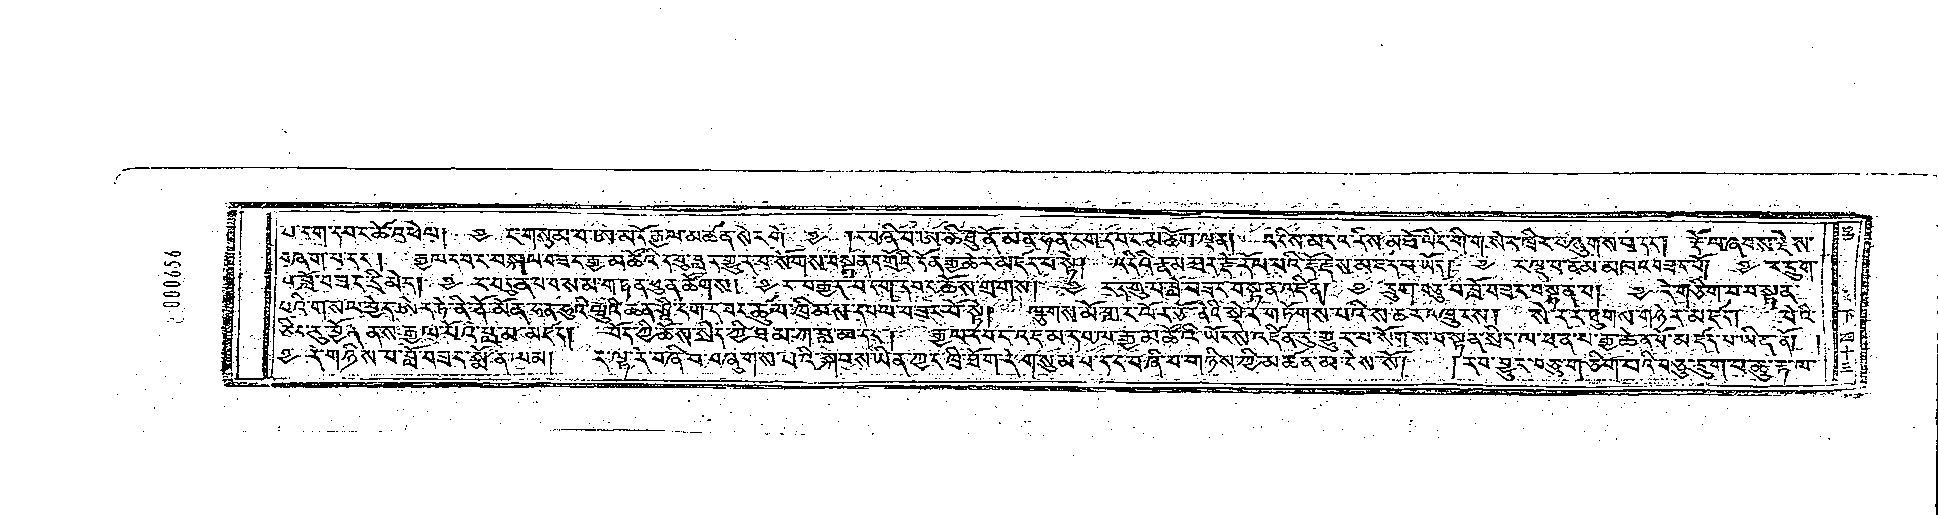པ་ངག་དབང་ཚེ་འཕེལ། ༧་ང་གསུམ་པ་ཨ་མདོ་རྒྱལ་མཚན་སེང་གེ་༧་།ང་བཞི་པ་ཨ་ཆི་ཐུ་ནོ་མན་ཧན་ངག་དབང་མཆོག་ལྡན། འདིས་མདའ་རིས་མཐོ་ལིང་གི་གསེར་ཁྲིར་བཞུགས་བ་དང་། རྡོ་ལ་ཞབས་རྗེས་
བཞག་པ་དང་། རྒྱལ་དབང་བསྐལ་བཟང་རྒྱ་མཚོའི་དབུ་བླར་གྱུར་པ་སོགས་བསྟན་འགྲོའི་དོན་རྒྱ་ཆེ་ར་མཛད་པ་སྟེ། འདིའི་རྣམ་ཐར་རྗེ་རོལ་པའི་རྡོ་རྗེས་མཛད་པ་ཡོད། ༧་ང་ལྔ་པ་ནམ་མཁའ་བཟང་པོ། ༧་ང་དྲུག་
པ་བློ་བཟང་དྲི་མེད། ༧་ང་བདུན་པ་བསམ་གཏན་ཕུན་ཚོགས། ༧་ང་བརྒྱད་པ་ངག་དབང་ཆོས་གྲགས། ༧་ང་དགུ་པ་བློ་བཟང་བསྟན་འཛིན། ༧་དྲུག་བཅུ་པ་བློ་བཟང་བསྟན་པ། ༧་རེ་གཅིག་པ་བསྟན་
པའི་གསལ་བྱེད་ཨེར་ཏེ་ནི་ནོ་མོན་ཧན་ཧུའི་ལྦུའི་ཆན་ཤཱི་ངག་དབང་ཚུལ་ཁྲིམས་དཔལ་བཟང་པོ་སྟེ། ལྕགས་མོ་གླང་ལོར་ཅོ་ནེའི་སྡེར་གཏོགས་པའི་ས་ཆར་འཁྲུངས། སེ་དར་ཐུགས་གཉེར་མཛད། པེའི་
ཅིང་དུ་བྱོན་ནས་རྒྱལ་པོའི་བླ་མ་མཛད། བོད་ཀྱི་ཆོས་སྲིད་ཀྱི་ཐམ་ཀ་བླ་མ་དང་། རྒྱལ་དབང་འཇམ་དཔལ་རྒྱ་མཚོའི་ཡོངས་འཛིན་དུ་གྱུར་པ་སོགས་བསྟན་སྲིད་ལ་ཕན་པ་རྒྱ་ཆེན་པོ་མཛད་པ་ཡིན་ནོ།
༧་རེ་གཉིས་པ་བློ་བཟང་སྨོན་ལམ། ད་ལྟ་རེ་བཞི་བ་བཞུགས་པའི་སྐབས་ཡིན་ཀྱང་ཁྲི་ཐོག་རེ་གསུམ་པ་དང་བཞི་པ་གཉིས་ཀྱི་མཚན་མ་ངེས་སོ། །རབ་བྱུང་བཅུ་གཅིག་པའི་བཅུ་དྲུག་པ་ཆུ་རྟ་ལ་